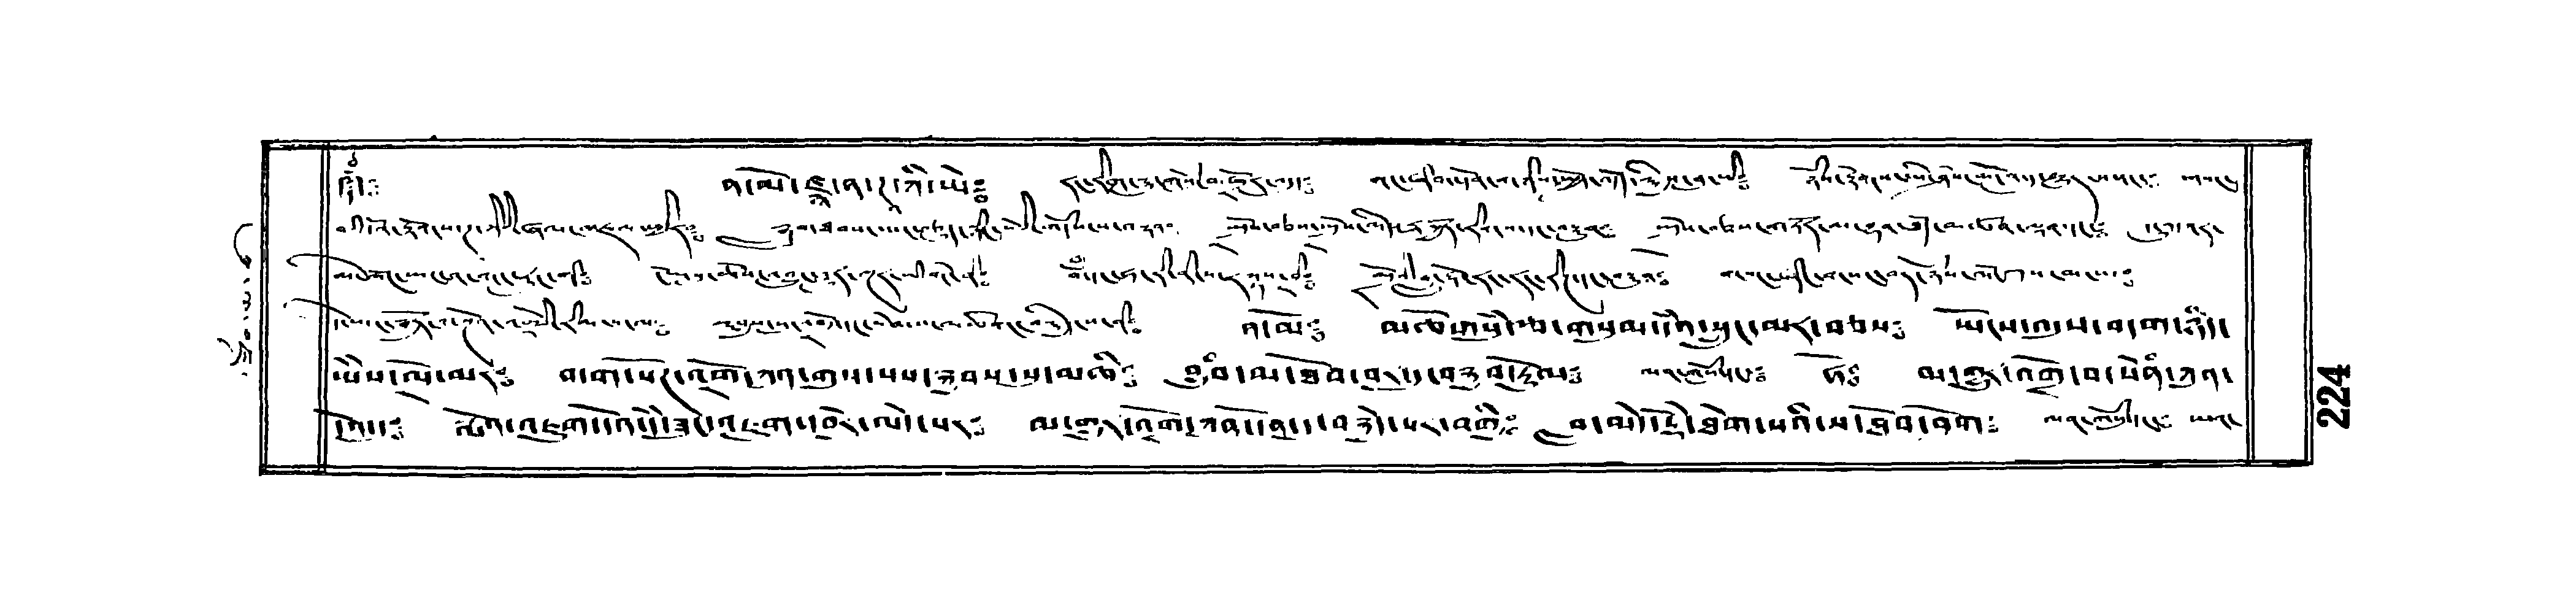ན་མོ་ཛྙཱ་ན་ཌཱ་ཀི་ཡེ༔ རང་རིག་སྐུ་གསུམ་མཁའ་འགྲོར་འདུད༔ གང་ཞིག་དོན་གཉིས་སྤྱོད་འདོད་སྐྱེས་བུ་ཡི༔ ཉམས་རྟོགས་ཡེ་ཤེས་མངོན་དུ་གྱུར་པ་དང༔ གསང་
བའི་དོན་རྟོགས་ཌཱ་ཀིའི་ཞལ་མཇལ་ཕྱིར༔ སྒྲུབ་ཐབས་ཡང་བཅུད་སྙིང་པོའི་གདམས་པ་བསྟན༔ སྤྲོས་བཅས་སྤྲོས་མེད་རྣལ་འབྱོར་རིགས་དང་བསྟུན༔ སྤྲོས་བཅས་གཏོར་མ་བྷན་ཐོད་མཚན་ལྡན་དང༔ དངུལ་དཀར་
མེ་ཚོགས་ཡང་ན་གང་རུང་གི༔ ངོས་སུ་ཆོས་འབྱུང་ཟུར་ལྔར་ཡི་གེ་ནི༔ བྃ་དང་ཧ་རི་ནི་ས་རཀྟས་བྲི༔ མཁའ་འགྲོའི་བླ་རྡོ་རང་རང་རིགས་དང་བསྟུན༔ གསང་ཞིང་གསང་བར་ཉམས་ལོངས་ས་མ་ཡ༔ 
དེ་ཡང་སྦྱོར་བ་སྔོན་འགྲོའི་རིམ་པ་ལ༔ སྐྱབས་སུ་འགྲོ་དང་སེམས་མཆོག་བསྐྱེད་པ་ནི༔ ན་མོ༔ མཆོག་གསུམ་རྩ་གསུམ་དམ་ཅན་སྲུང་མར་བཅས༔ ཡོངས་འདུས་བདག་ཉིད་
ཡེ་ཤེས་མཁའ་འགྲོ་མར༔ བདག་སོགས་འགྲོ་ཀུན་གུས་པས་སྐྱབས་སུ་མཆི༔ བྱང་ཆུབ་མ་ཐོབ་བར་དུ་བསྐྱབ་ཏུ་གསོལ༔ ལན་གསུམ་དང༔ ཧོཿ མ་གྱུར་འགྲོ་བ་སེམས་ཅན་ཀུན་
དོན་དུ༔ སྨོན་འཇུག་དོན་དམ་ཟུང་འཇུག་དབྱེར་མེད་པར༔ མ་གྱུར་འགྲོ་ཀུན་དོན་དུ་བསྐྱེད་པར་བགྱི༔ བླ་མེད་རྡོ་རྗེ་ཐེག་པའི་ས་ཐོབ་ཤོག༔ ལན་གསུམ་དང༔ ཡན་